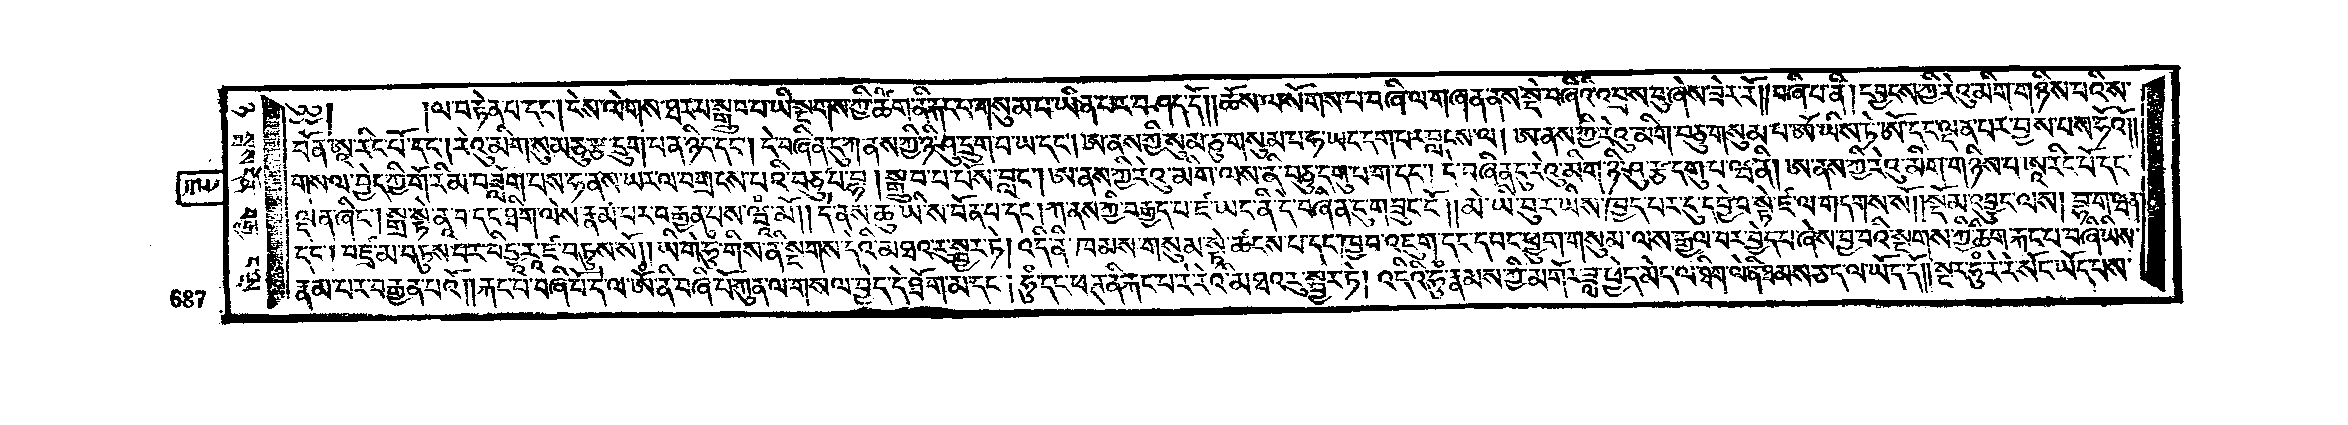༄༅། །ལ་བརྟེན་པ་དང་། ངེས་ལེགས་ཐར་པ་སྒྲུབ་པ་ཡི་སྔགས་ཀྱི་ཚིག་ནི་རྐང་པ་གསུམ་པ་ཡིན་པར་བཤད་དོ། །ཆོས་ལ་སོགས་པ་བཞི་ལ་གཞན་ནས་སྡེ་བཞིའི་འབྲས་བུ་ཞེས་ཟེར་རོ། །བཞི་པ་ནི། དབྱངས་ཀྱི་རེའུ་མིག་གཉིས་པའི་ས་
བོན་ཨཱ་རིང་པོ་དང་། རེའུ་མིག་སུམ་ཅུ་རྩ་དྲུག་པ་ན་ཉིད་དང་། དེ་བཞིན་དུ་ཀ་ནས་ཀྱི་ཉི་ཤུ་དྲུག་པ་ཡ་དང་། ཨ་ནས་ཀྱི་སུམ་ཅུ་གསུམ་པ་ཧ་ཡང་དག་པར་བླངས་ལ། ཨ་ནས་ཀྱི་རེའུ་མིག་བཅུ་གསུམ་པ་ཨོ་ཡིས་ཏེ་ཨོ་དང་ལྡན་པར་བྱས་པས་ཧོའོ། །
གསལ་བྱེད་ཀྱི་གོ་རིམ་བཟློག་པས་ཧ་ནས་ཡར་ལ་བགྲངས་པའི་བཅུ་པ་བྷ། སྒྲུབ་པ་པོས་བླང་། ཨ་ནས་ཀྱི་རེའུ་མིག་ལས་ནི་བཅུ་དགུ་པ་ག་དང་། དེ་བཞིན་དུ་རེའུ་མིག་ཉི་ཤུ་རྩ་དགུ་པ་ཝ་ནི། ཨ་ནས་ཀྱི་རེའུ་མིག་གཉིས་པ་ཨཱ་རིང་པོ་དང་
ལྡན་ཞིང་། སྒྲ་སྟེ་ནཱ་ད་དང་ཐིག་ལེས་རྣམ་པར་བརྒྱན་པས་ཝཱཾ་མོ། །དེ་ནས་ཆུ་ཡི་ས་བོན་པ་དང་། ཀ་ནས་ཀྱི་བརྒྱད་པ་ཛ་ཡང་ནི་དེ་བཞིན་དུ་གཟུང་ངོ། །མེ་ཡི་བུ་ར་ཡིས་ཁྱད་པར་དུ་དབྱེ་བ་སྟེ་ཛ་ལ་གདགས་སོ། །སྡོམ་འབྱུང་ལས། བྷ་ག་ཝན་
དང་། བཛྲ་མ་བཏུས་པར་བིདྱཱ་རཱ་ཛ་བཏུས་སོ། །ཡི་གེ་ཧུཾ་གིས་ནི་སྔགས་དེའི་མཐའ་རུ་སྦྱར་ཏེ། འདི་ནི་ཁམས་གསུམ་སྟེ་ཚངས་པ་དང་ཁྱབ་འཇུག་དང་དབང་ཕྱུག་གསུམ་ལས་རྒྱལ་བར་བྱེད་པ་ཞེས་བྱ་བའི་སྔགས་ཀྱི་ཚིག་རྐང་པ་བཞི་ཡིས་
རྣམ་པར་བརྒྱན་པའོ། །རྐང་པ་བཞི་པོ་དེ་ལ་ཨོཾ་ནི་བཞི་པོ་ཀུན་ལ་གསལ་བྱེད་དེ་ཐོག་མ་དང་། ཧུཾ་དང་ཕཊ་ནི་རྐང་པ་རེ་རེའི་མཐའ་རུ་སྦྱར་ཏེ། འདིའི་ཧུཾ་རྣམས་ཀྱི་མགོར་ཟླ་ཕྱེད་མེད་ལ་ཐིག་ལེ་ནི་ཐམས་ཅད་ལ་ཡོད་དོ། །སྔར་ཧུཾ་རེ་རེ་སོང་ཡོད་པས་